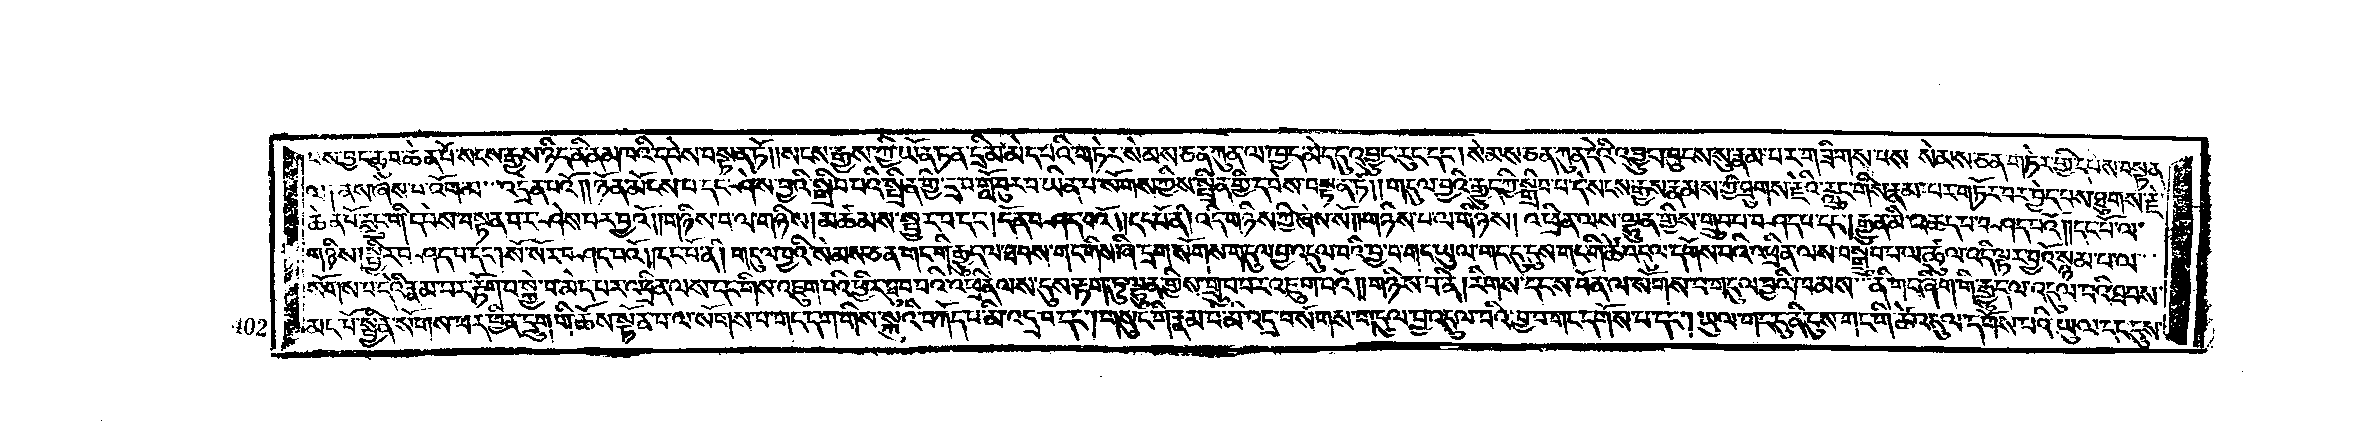པས་བྱང་ཆུབ་ཆེན་པོ་སངས་རྒྱས་ཉིད་ནི་ནམ་མཁའི་དཔེས་བསྟན་ཏོ། །སངས་རྒྱས་ཀྱི་ཡོན་ཏན་དྲི་མ་མེད་པའི་གཏེར་སེམས་ཅན་ཀུན་ལ་ཁྱད་མེད་དུ་འབྱུང་རུང་དང་། སེམས་ཅན་ཀུན་དེའི་འབྱུང་ཁུངས་སུ་རྣམ་པར་གཟིགས་པས་སེམས་ཅན་གཏེར་གྱི་དཔེས་བསྟན་
ལ༑ ནས་ཞེས་པ་འོག་མ་འདྲེན་པའོ། །ཉོན་མོངས་པ་དང་ཤེས་བྱའི་སྒྲིབ་པའི་སྤྲིན་གྱི་དྲ་བ་གློ་བུར་བ་ཡིན་པ་སོགས་ཀྱིས་སྤྲིན་གྱི་དཔེས་བསྟན་ཏོ། །གདུལ་བྱའི་རྒྱུད་ཀྱི་སྒྲིབ་པ་དེ་སངས་རྒྱས་རྣམས་ཀྱི་ཐུགས་རྗེའི་རླུང་གིས་རྣམ་པར་གཏོར་བར་བྱེད་པས་ཐུགས་རྗེ་
ཆེན་པོ་རླུང་གི་དཔེས་བསྟན་པར་ཤེས་པར་བྱའོ། །གཉིས་པ་ལ་གཉིས། མཚམས་སྦྱར་བ་དང་། དོན་བཤད་པའོ། །དང་པོ་ནི། འདི་གཉིས་ཀྱི་ཞེས་སོ། །གཉིས་པ་ལ་གཉིས། འཕྲིན་ལས་ལྷུན་གྱིས་གྲུབ་པ་བཤད་པ་དང་། རྒྱུན་མི་འཆད་པ་བཤད་པའོ། །དང་པོ་ལ་
གཉིས། སྤྱིར་བཤད་པ་དང་། སོ་སོར་བཤད་པའོ། །དང་པོ་ནི། གདུལ་བྱའི་སེམས་ཅན་གང་གི་རྒྱུད་ལ་ཐབས་གང་གིས་ཞི་དྲག་སོགས་གདུལ་བྱ་འདུལ་བའི་བྱ་བ་གང་ཡུལ་གང་དུ་དུས་གང་གི་ཚེ་འདུལ་དགོས་པའི་འཕྲིན་ལས་བསྒྲུབ་པ་ལ་ཚུལ་འདི་ལྟར་བྱའོ་སྙམ་པ་ལ་
སོགས་པ་དེའི་རྣམ་པར་རྟོག་པ་སྐྱེ་བ་མེད་པར་འཕྲིན་ལས་དང་གིས་འཇུག་པའི་ཕྱིར་ཐུབ་པའི་འཕྲིན་ལས་དུས་རྟག་ཏུ་ལྷུན་གྱིས་གྲུབ་པར་འཇུག་པའོ། །གཉིས་པ་ནི། རིགས་དང་ས་བོན་ལ་སོགས་པ་གདུལ་བྱའི་ཁམས་ནི་གང་ཞིག་གི་རྒྱུད་ལ་འདུལ་བའི་ཐབས་
མང་པོ་སྦྱིན་སོགས་ཕར་ཕྱིན་དྲུག་གི་ཆོས་སྟོན་པ་ལ་སོགས་པ་གང་དག་གིས་སྐུའི་བཀོད་པ་མི་འདྲ་བ་དང་། གསུང་གི་རྣམ་པ་མི་འདྲ་བ་སོགས་གདུལ་བྱ་འདུལ་བའི་བྱ་བ་གང་དགོས་པ་དང་། ཡུལ་གང་དུ་ནི་དུས་གང་གི་ཚེ་འདུལ་དགོས་པའི་ཡུལ་དང་དུས་